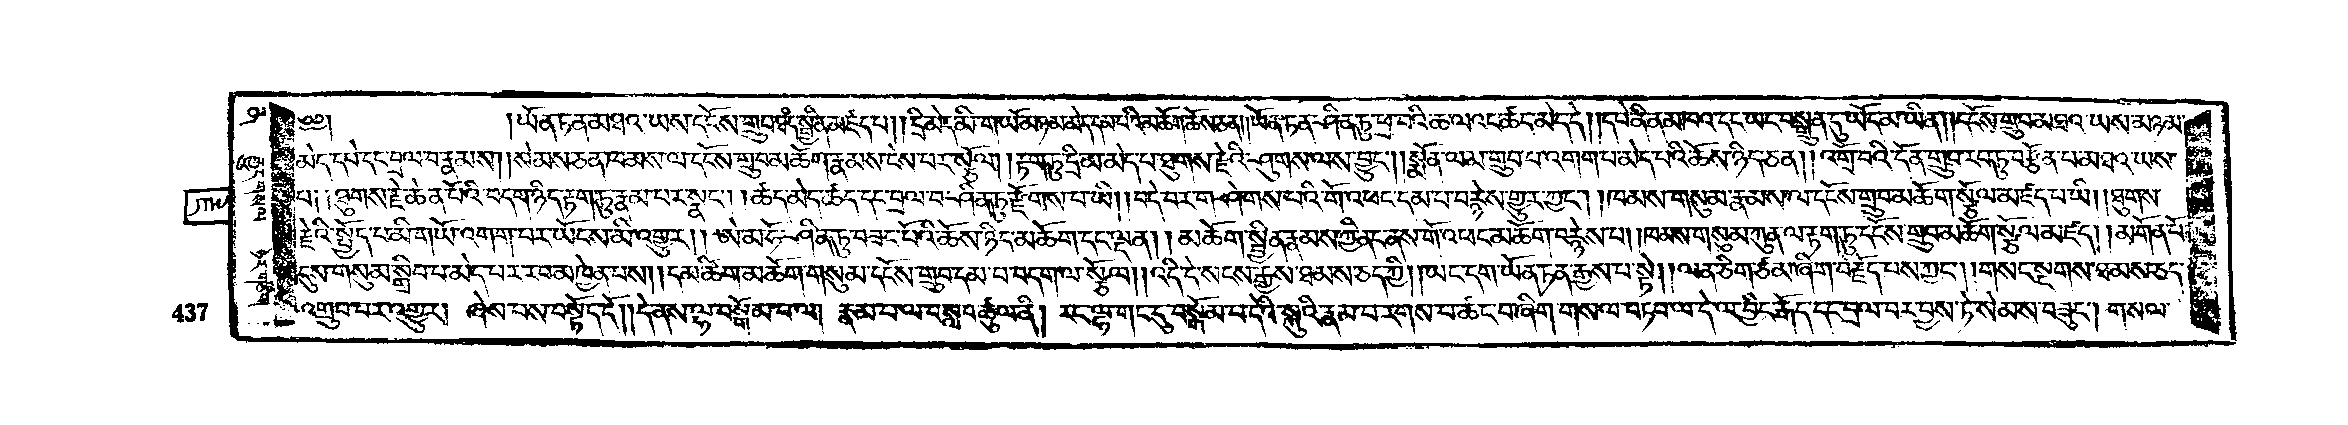༄༅། །ཡོན་ཏན་མཐའ་ཡས་དངོས་གྲུབ་ཐམས་ཅད་སྦྱིན་མཛད་པ། །དྲི་མེད་མི་གཡོ་མཉམ་མེད་དམ་པའི་མཆོག་ཆོས་ཅན། །ཡོན་ཏན་ཤིན་ཏུ་ཕྲ་བའི་ཆ་ལའང་ཚད་མེད་དེ། །དཔེ་ནི་ནམ་མཁའ་དང་ཡང་བསྒྲུན་དུ་ཡོད་མ་ཡིན། །དངོས་གྲུབ་མཐའ་ཡས་མཉམ་
མེད་དཔེ་དང་བྲལ་བ་རྣམས། །སེམས་ཅན་ཁམས་ལ་དངོས་གྲུབ་མཆོག་རྣམས་ངེས་པར་སྩོལ། །རྟག་ཏུ་དྲི་མ་མེད་པ་ཐུགས་རྗེའི་ཤུགས་ལས་བྱུང་། །སྨོན་ལམ་གྲུབ་པ་འགག་པ་མེད་པའི་ཆོས་ཉིད་ཅན། །འགྲོ་བའི་དོན་གྲུབ་རབ་ཏུ་བརྩོན་པ་མཐའ་ཡས་
པ། །ཐུགས་རྗེ་ཆེན་པོའི་བདག་ཉིད་རྟག་ཏུ་རྣམ་པར་སྣང་། །ཚད་མེད་ཚད་དང་བྲལ་བ་ཤིན་ཏུ་རྫོགས་པ་ཡི། །བདེ་བར་གཤེགས་པའི་གོ་འཕང་དམ་པ་བརྙེས་གྱུར་ཀྱང་། །ཁམས་གསུམ་རྣམས་ལ་དངོས་གྲུབ་མཆོག་སྩོལ་མཛད་པ་ཡི། །ཐུགས་
རྗེའི་སྤྱོད་པ་མི་གཡོ་འགག་པར་ཡོངས་མི་འགྱུར། །ཨེ་མ་ཧོ་ཤིན་ཏུ་བཟང་པོའི་ཆོས་ཉིད་མཆོག་དང་ལྡན། །མཆོག་སྦྱིན་རྣམས་ཀྱི་ནང་ནས་གོ་འཕང་མཆོག་བརྙེས་པ། །ཁམས་གསུམ་ཀུན་ལ་རྟག་ཏུ་དངོས་གྲུབ་མཆོག་སྩོལ་མཛད། །མགོན་པོ་
དུས་གསུམ་སྒྲིབ་པ་མེད་པར་རབ་མཁྱེན་པས། །དམ་ཚིག་མཆོག་གསུམ་དངོས་གྲུབ་དམ་པ་བདག་ལ་སྩོལ། །འདི་དེ་སངས་རྒྱས་ཐམས་ཅད་ཀྱི། །ཡང་དག་ཡོན་ཏན་རྒྱས་པ་སྟེ། །ལན་ཅིག་ཙམ་ཞིག་བརྗོད་པས་ཀྱང་། །གསང་སྔགས་ཐམས་ཅད་
འགྲུབ་པར་འགྱུར། ཞེས་པས་བསྟོད་དོ། །དེ་ནས་ལྷ་བསྒོམ་པ་ལ། རྣམ་པ་ལ་བསླབ་ཚུལ་ནི། རང་ལྷ་གང་དུ་བསྒོམ་པ་དེའི་སྐུའི་རྣམ་པ་རགས་པ་ཚང་བ་ཞིག་གསལ་བཏབ་ལ་དེ་ལ་བྱིང་རྒོད་དང་བྲལ་བར་བྱས་ཏེ་སེམས་བཟུང་། གསལ་